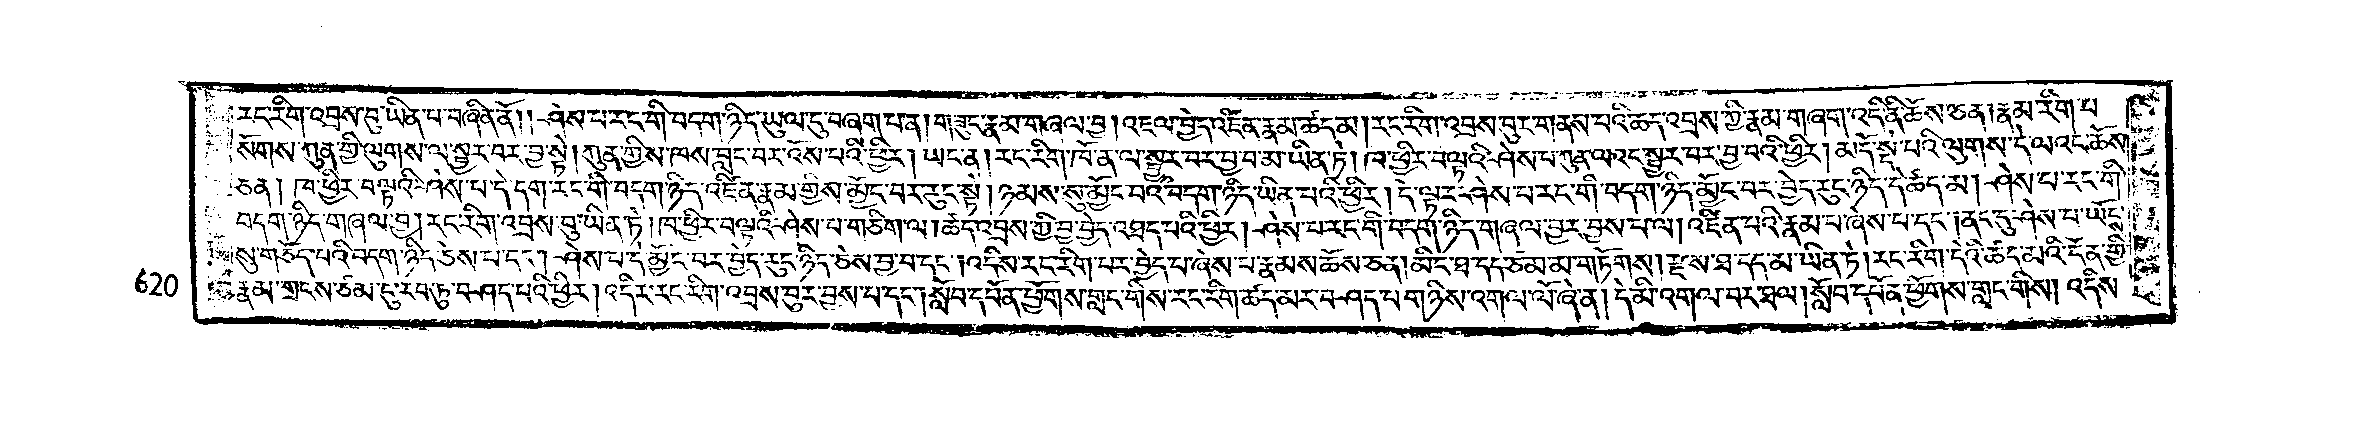རང་རིག་འབྲས་བུ་ཡིན་པ་བཞིན་ནོ། །ཤེས་པ་རང་གི་བདག་ཉིད་ཡུལ་དུ་བཞག་པ་ན། གཟུང་རྣམ་གཞལ་བྱ། འཇལ་བྱེད་འཛིན་རྣམ་ཆད་མ། རང་རིག་འབྲས་བུར་གནས་པའི་ཆད་འབྲས་ཀྱི་རྣམ་གཞག་འདི་ནི་ཆོས་ཅན། རྣམ་རིག་པ་
སོགས་ཀུན་གྱི་ལུགས་ལ་སྦྱར་བར་བྱ་སྟེ། ཀུན་གྱིས་ཁས་བླང་བར་འོས་པའི་ཕྱིར། ཡང་ན། རང་རིག་ཁོ་ན་ལ་སྦྱར་བར་བྱ་བ་མ་ཡིན་ཏེ། ཁ་ཕྱིར་བལྟའི་ཤེས་པ་ཀུན་ལའང་སྦྱར་བར་བྱ་བའི་ཕྱིར། མདོ་སྡེ་པའི་ལུགས་དེ་ལའང་ཆོས་
ཅན། ཁ་ཕྱིར་བལྟའི་ཤེས་པ་དེ་དག་རང་གི་བདག་ཉིད་འཛིན་རྣམ་གྱིས་མྱོང་བར་རུང་སྟེ། ཉམས་སུ་མྱོང་བའི་བདག་ཉིད་ཡིན་པའི་ཕྱིར། དེ་ལྟར་ཤེས་པ་རང་གི་བདག་ཉིད་མྱོང་བར་བྱེད་རུང་ཉིད་དེ་ཚད་མ། ཤེས་པ་རང་གི་
བདག་ཉིད་གཞལ་བྱ། རང་རིག་འབྲས་བུ་ཡིན་ཏེ། ཁ་ཕྱིར་བལྟའི་ཤེས་པ་གཅིག་ལ། ཆེད་འབྲས་ཀྱི་བྱ་བྱེད་འཐད་པའི་ཕྱིར། ཤེས་པ་རང་གི་བདག་ཉིད་གཞལ་བྱར་བྱས་པ་ལ། འཛིན་པའི་རྣམ་པ་ཞེས་པ་དང་། ནང་དུ་ཤེས་པ་ཡོངས་
སུ་གཅོད་པའི་བདག་ཉིད་ཅེས་པ་དང་། ཤེས་པ་དེ་མྱོང་བར་བྱེད་རུང་ཉིད་ཅེས་བྱ་བ་དང་། འདིས་རང་རིག་པར་བྱེད་པ་ཞེས་པ་རྣམས་ཆོས་ཅན། མིང་ཐ་དད་ཙམ་མ་གཏོགས། རྫས་ཐ་དད་མ་ཡིན་ཏེ། རང་རིག་དེའི་ཚད་མའི་དོན་གྱི་
རྣམ་གྲངས་ཙམ་དུ་རབ་ཏུ་བཤད་པའི་ཕྱིར། འདིར་རང་རིག་འབྲས་བུར་བྱས་པ་དང་། སློབ་དཔོན་ཕྱོགས་གླང་གིས་རང་རིག་ཆད་མར་བཤད་པ་གཉིས་འགལ་ལོ་ཞེ་ན། དེ་མི་འགལ་བར་ཐལ། སློབ་དཔོན་ཕྱོགས་གླང་གིས། འདིས་